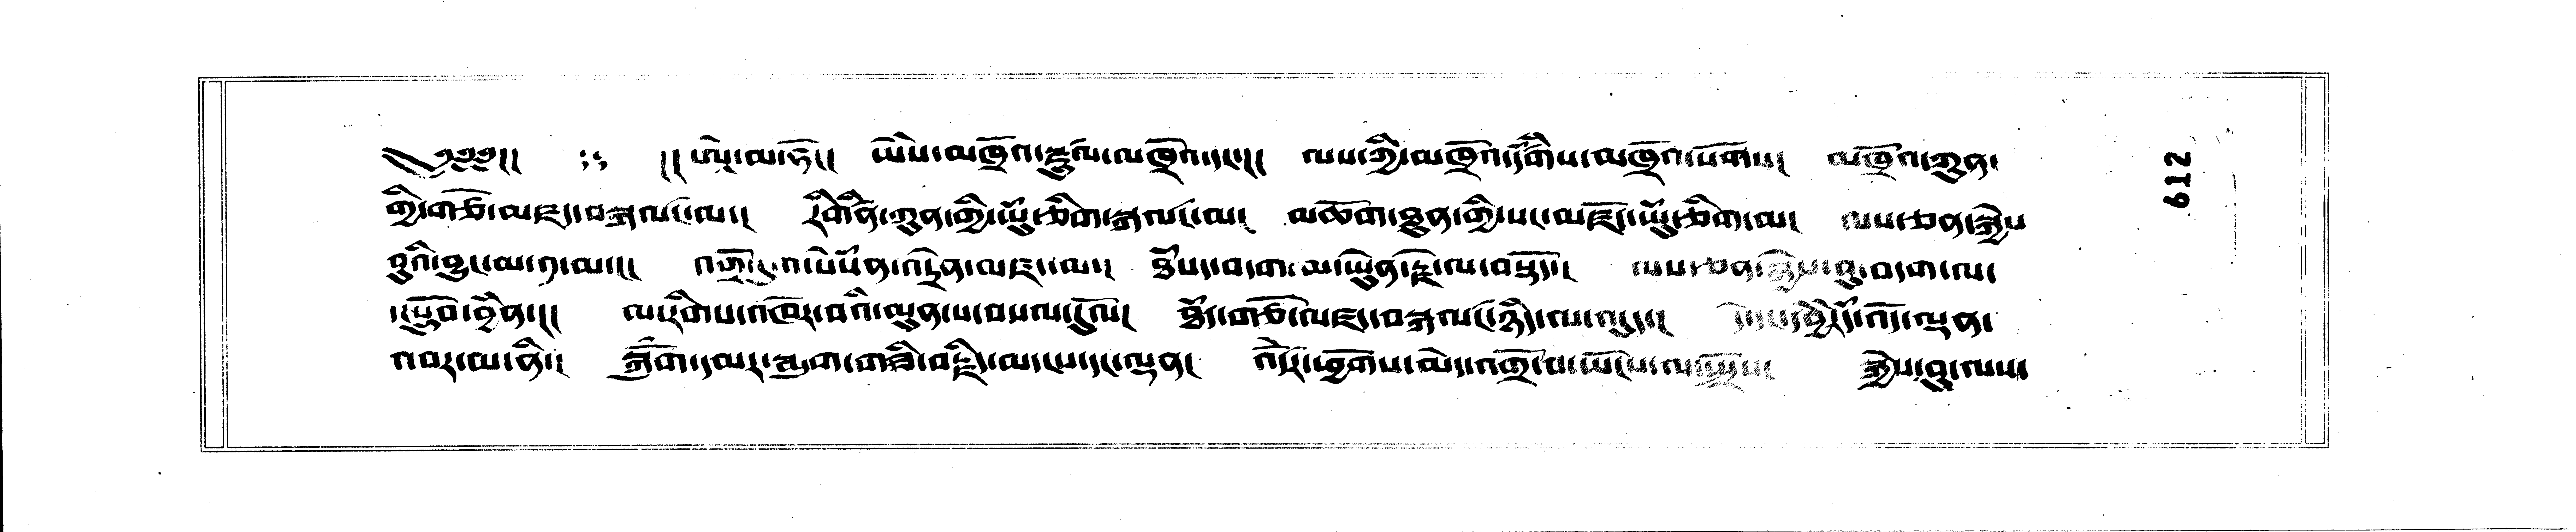ཨེ་མ་ཧོ། ཡེ་ཤེས་མཁའ་འགྲོ་རྫུ་འཁྲུལ་མཁའ་འགྲོ་དང། ལས་ཀྱི་མཁའ་འགྲོ་དམ་ཚིག་མཁའ་འགྲོ་སོགས། མཁའ་འགྲོ་ཀུན་
གྱིས་གཙོ་མཛད་སྐལ་བཟང་མ། རིག་འཛིན་ཀུན་གྱིས་ཡུམ་གཅིག་སྐལ་བཟང་མ། མཆོག་ཐུན་ཀུན་གྱིས་ཡུམ་གཅིག་དབང་མཛད་མ། ལས་ཅན་སྐྱེས་
བུའི་བྱུང་ཁུང་མ་གཅིག་མ། འགྲོ་དྲུག་སེམས་ཅན་ཐུགས་རྗེས་འདྲེན་མཛད་མ། ཐམས་ཅད་བདག་མོ་ཡུམ་ཆེན་རྗེ་ལ་བསྟོད། ལས་ཀྱི་སྐྱེས་བུ་བདག་ལ་
དངོས་གྲུབ་བྱིན། མ་རིག་འཁོར་བའི་མུན་པ་བསལ་དུ་གསོལ། ཐམས་ཅད་གཙོ་མཛད་སྐལ་བཟང་ཉིད་ལ་འདུད། དེ་དང་དབྱེར་མེད་འོད་ལྡན་
འབར་མ་ནི། སྐུ་མདོག་དམར་སྨུག་གཟི་བརྗིད་མདངས་དང་ལྡན། འོད་ཟེར་ཕྱོགས་མེད་འགྲོ་བ་ཡོངས་ལ་སྤྲོ། སྐྱེས་བུ་ལས་